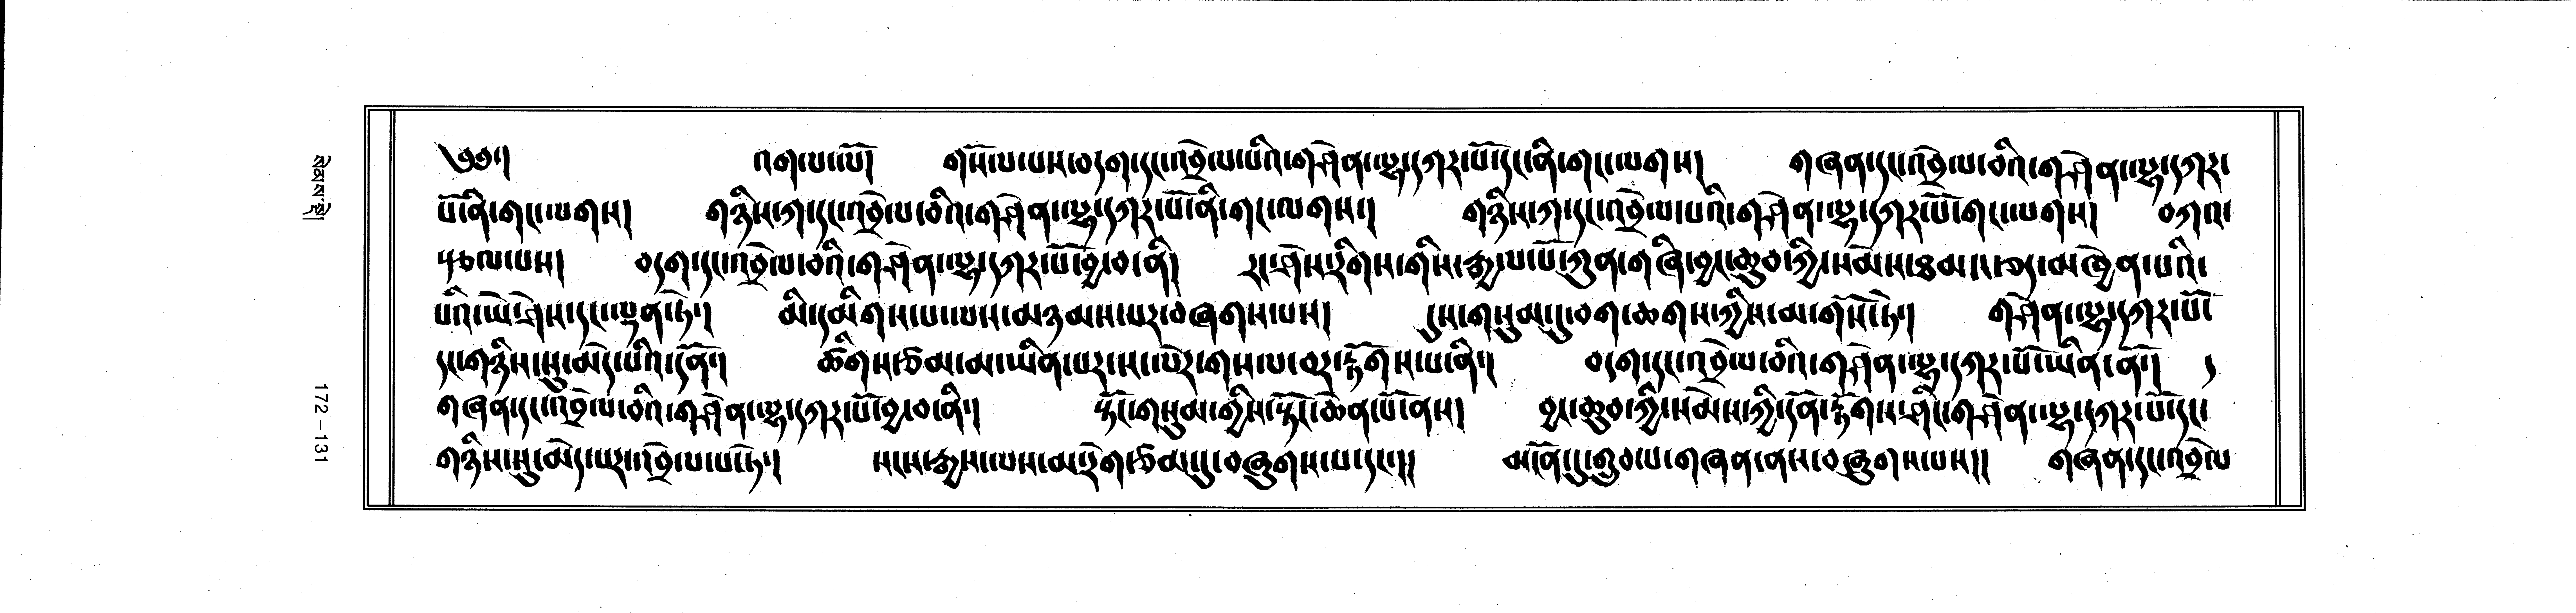གསོལ་པས་བདག་དང་འབྲེལ་པའི་གཤེན་ལྷ་དཀར་པོ་དང་ནི་གང་ལགས། གཞན་དང་འབྲེལ་བའི་གཤེན་ལྷ་དཀར་
པོ་ནི་གང་ལགས། གཉིས་ཀ་དང་འབྲེལ་བའི་གཤེན་ལྷ་དཀར་པོ་ནི་གང་ལགས། གཉིས་ཀ་དང་འབྲེལ་བའི་གཤེན་ལྷ་དཀར་པོ་ནི་གང་ལགས།བཀའ་
སྩལ་པས། བདག་དང་འབྲེལ་བའི་གཤེན་ལྷ་དཀར་པོ་བྱ་བ་ནི། རང་ཤེས་རིག་གིས་རྒྱལ་པོ་ཀུན་གཞི་བྱང་ཆུབ་ཀྱི་སེམས་ཐམས་ཅད་མཁྱེན་པའི་
པའི་ཡེ་ཤེས་དང་ལྡན་ཏེ། མི་དམིགས་པ་ལས་མཉམས་པར་བཞགས་པས། དུས་གསུམ་དུ་བག་ཆགས་ཀྱིས་མ་གོས་ཏེ། གཤེན་ལྷ་དཀར་པོ་
དང་གཉིས་སུ་མེད་པའི་དོན། ཚིགས་ཙམ་མ་ཡིན་པར་ས་ལེར་གསལ་བར་རྟོགས་པ་ནི། བདག་དང་འབྲེལ་བའི་གཤེན་ལྷ་དཀར་པོ་ཡིན་ནོ། 
གཞན་དང་འབྲེལ་བའི་གཤེན་ལྷ་དཀར་པོ་བྱ་བ་ནི། སྟོང་གསུམ་གྱི་སྟོང་ཆེན་པོ་ནས།་བྱང་ཆུབ་སེམས་ཀྱི་དོན་རྟོགས་ཤིང་གཤེན་ལྷ་དཀར་པོ་དང་
གཉིས་སུ་མེད་པར་འབྲེལ་བ་ཏེ། སངས་རྒྱས་ལས་མ་རེག་ཙམ་དུ་བཞུགས་པ་དང་། མངོན་དུ་གྲུབ་པ་གཞན་ནས་བཞུགས་པ། གཞན་དང་འབྲེལ་